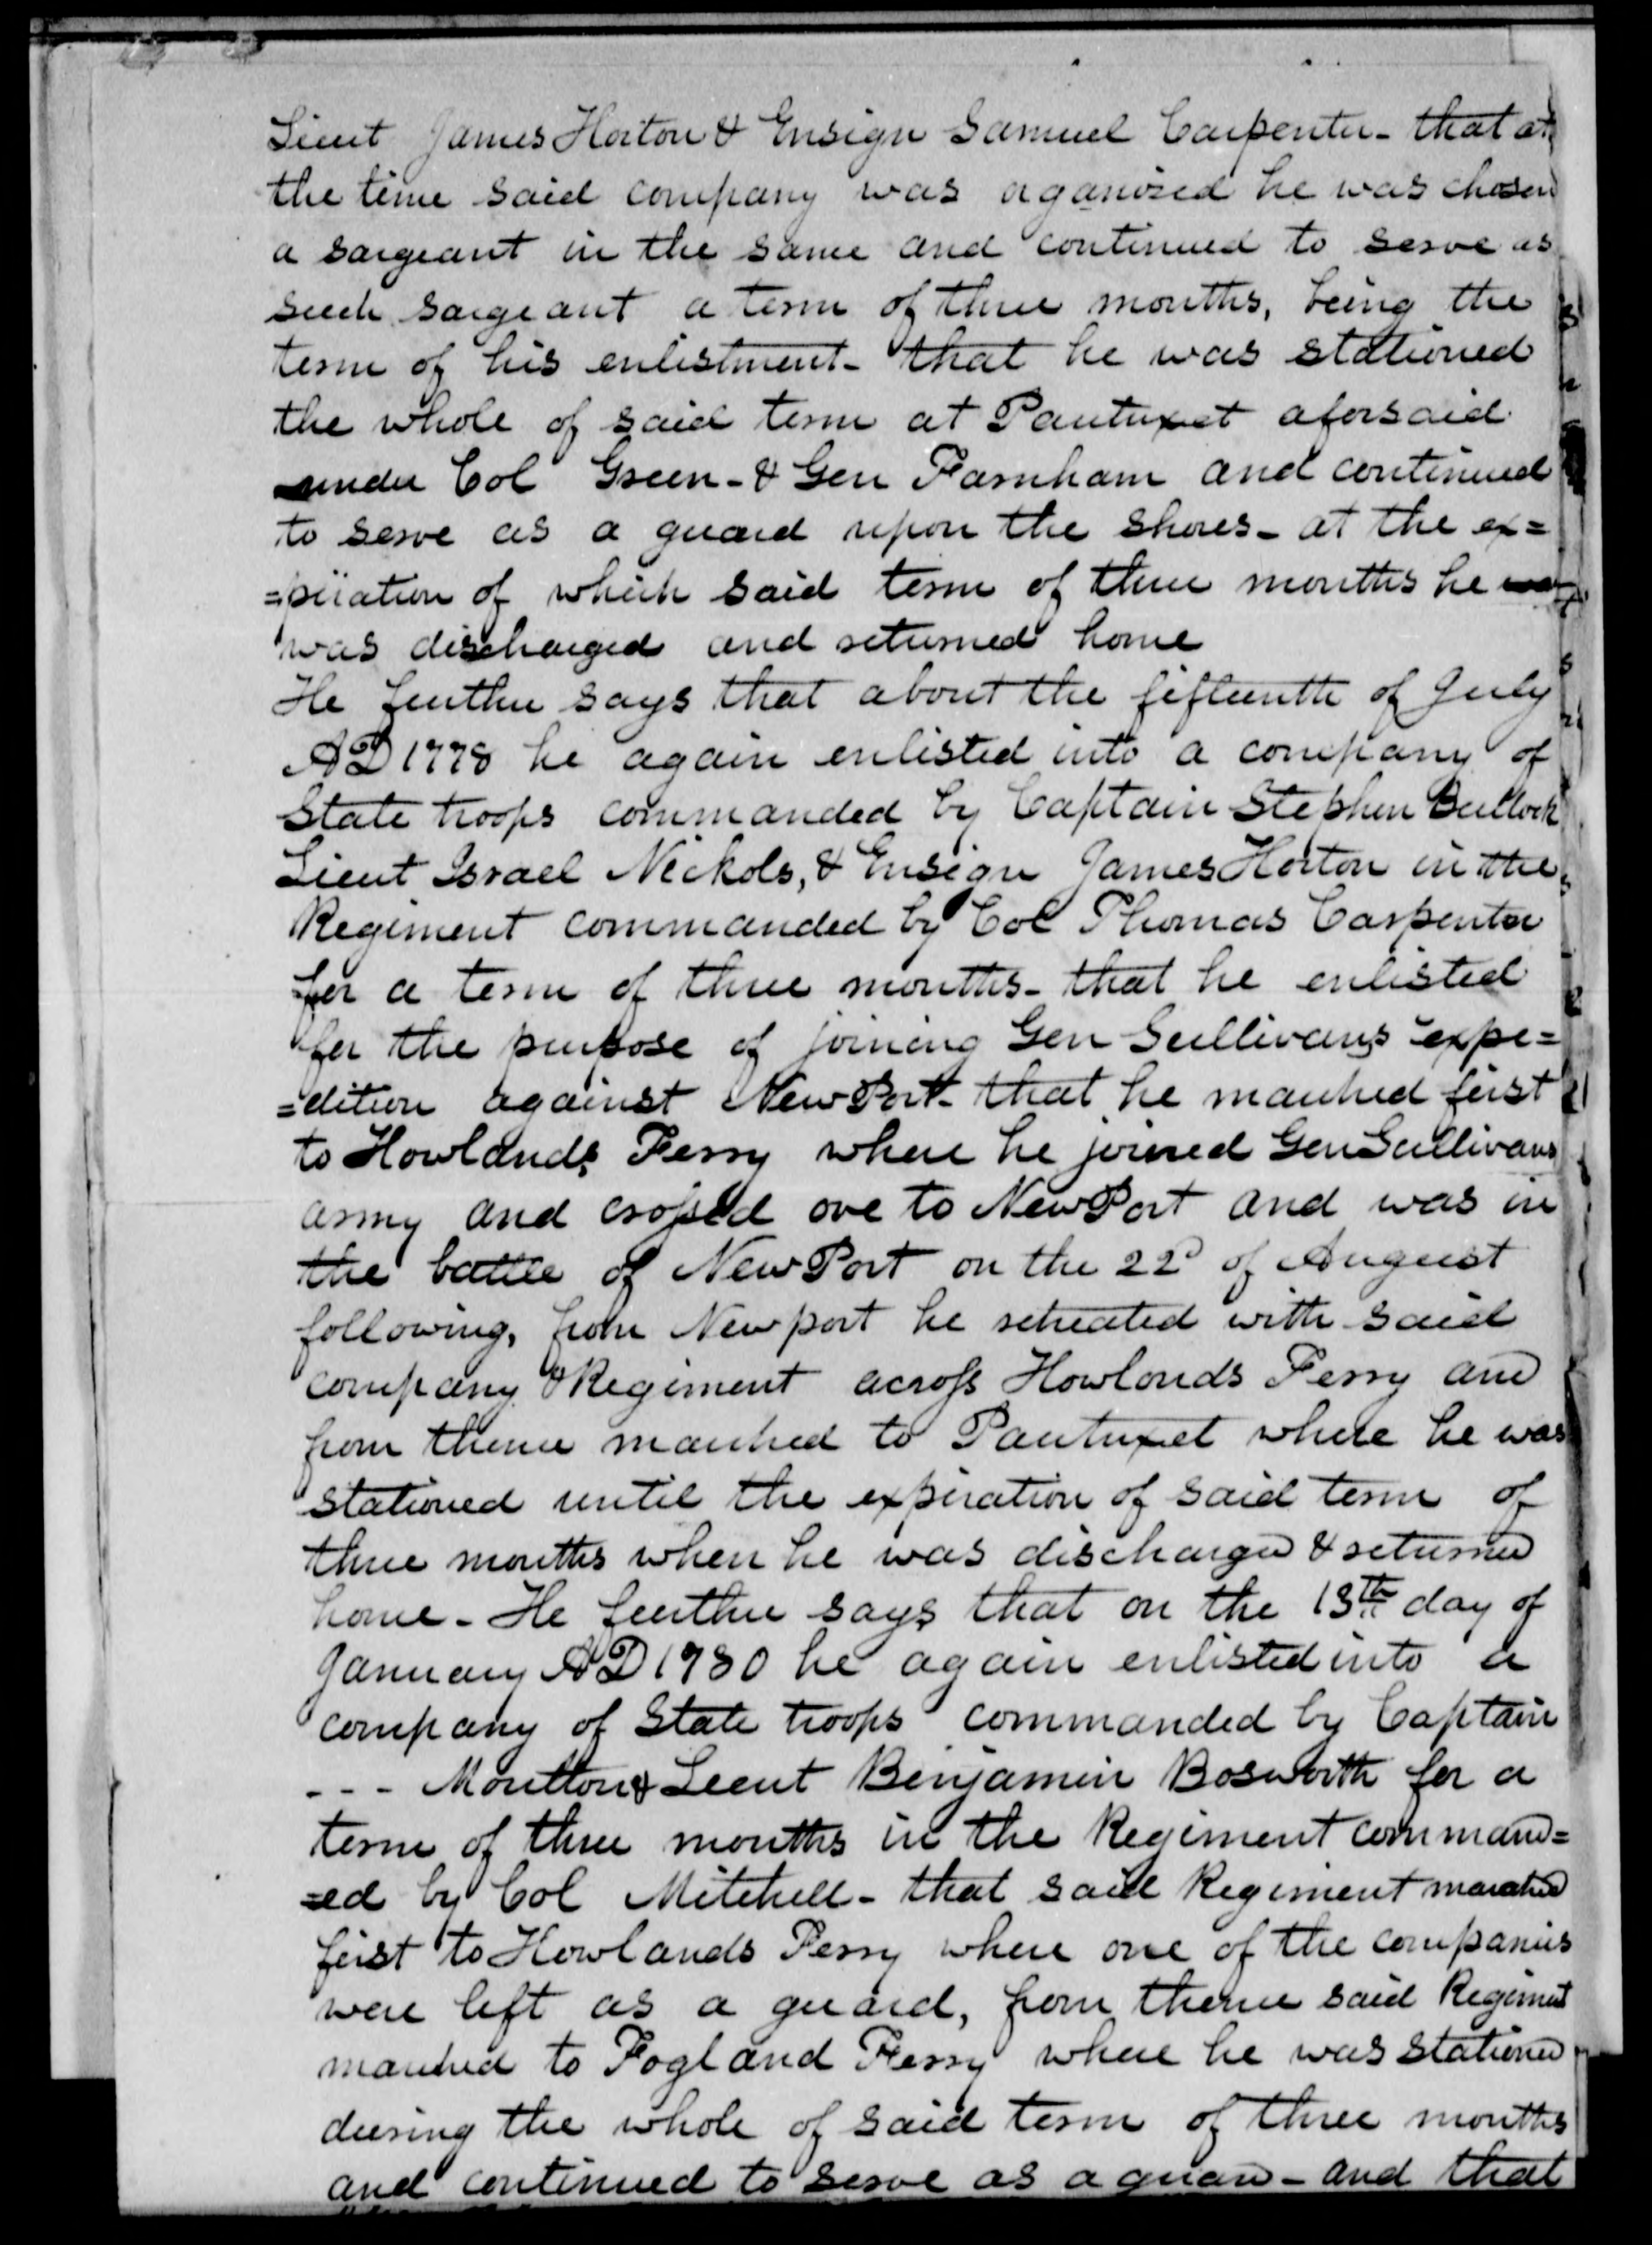Lieut James Horton &^ Ensign Samuel Carpenter. That at the time said company was organized he was chosen a Sargeant in the same and continued to serve as such Sargeant a term of three months, being the term of his enlistment. that he was stationed the whole of said term at Pawtuxet aforesaid under Col. Green & Gen. Farnham and continued to serve as a guard upon the shores. At the expiration of which said term of three months he was discharged and returned home.
He further says that about the fifteenth of July a. D. 1778 he again enlisted into a conpany of State troops commanded by Captain Stephen Bullock, Lieut Israel Nickols & Ensign James Horton in the Regiment commanded by Col. Thomas Carpenter for a term of three months. That he enlisted for the purpose of joining Gen. Sullivan's expedition against New Port. That he marched first to Howlands Ferry where he joined Gen. Sullivans army and crossed over to New Port and was in the battle of New Port on the 22d of August following from Newport he retreated with said company & Regiment across Howland's Ferry and from thence marched to Pawtuxet where he was stationed until the expiration of said time of three months when he was discharged & returned home. He further says that on the 13th day of January A.D. 1780 he again enlisted into a company of State troops commanded by Captain Moulton & Lieut. Benjamin Bosworth for a term of three months in the Regiment commanded by Col. Mitchell. That said Regiment marched first to Howlands Ferry where one of the companies were left as a guard, from thence said Regiment marched to Fogland Ferry where he was stationed during the whole of said term of three months and continued to serve as a guard and that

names: Benjamin Bosworth, Green, Sullivan, Samuel Carpenter, James Horton, Thomas Carpenter, Moulton, Farnham, Stephen Bullock, Israel Nickols, Mitchell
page: 9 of 98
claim: widow's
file: W. 1682, Valentine Wheeler, Mass.